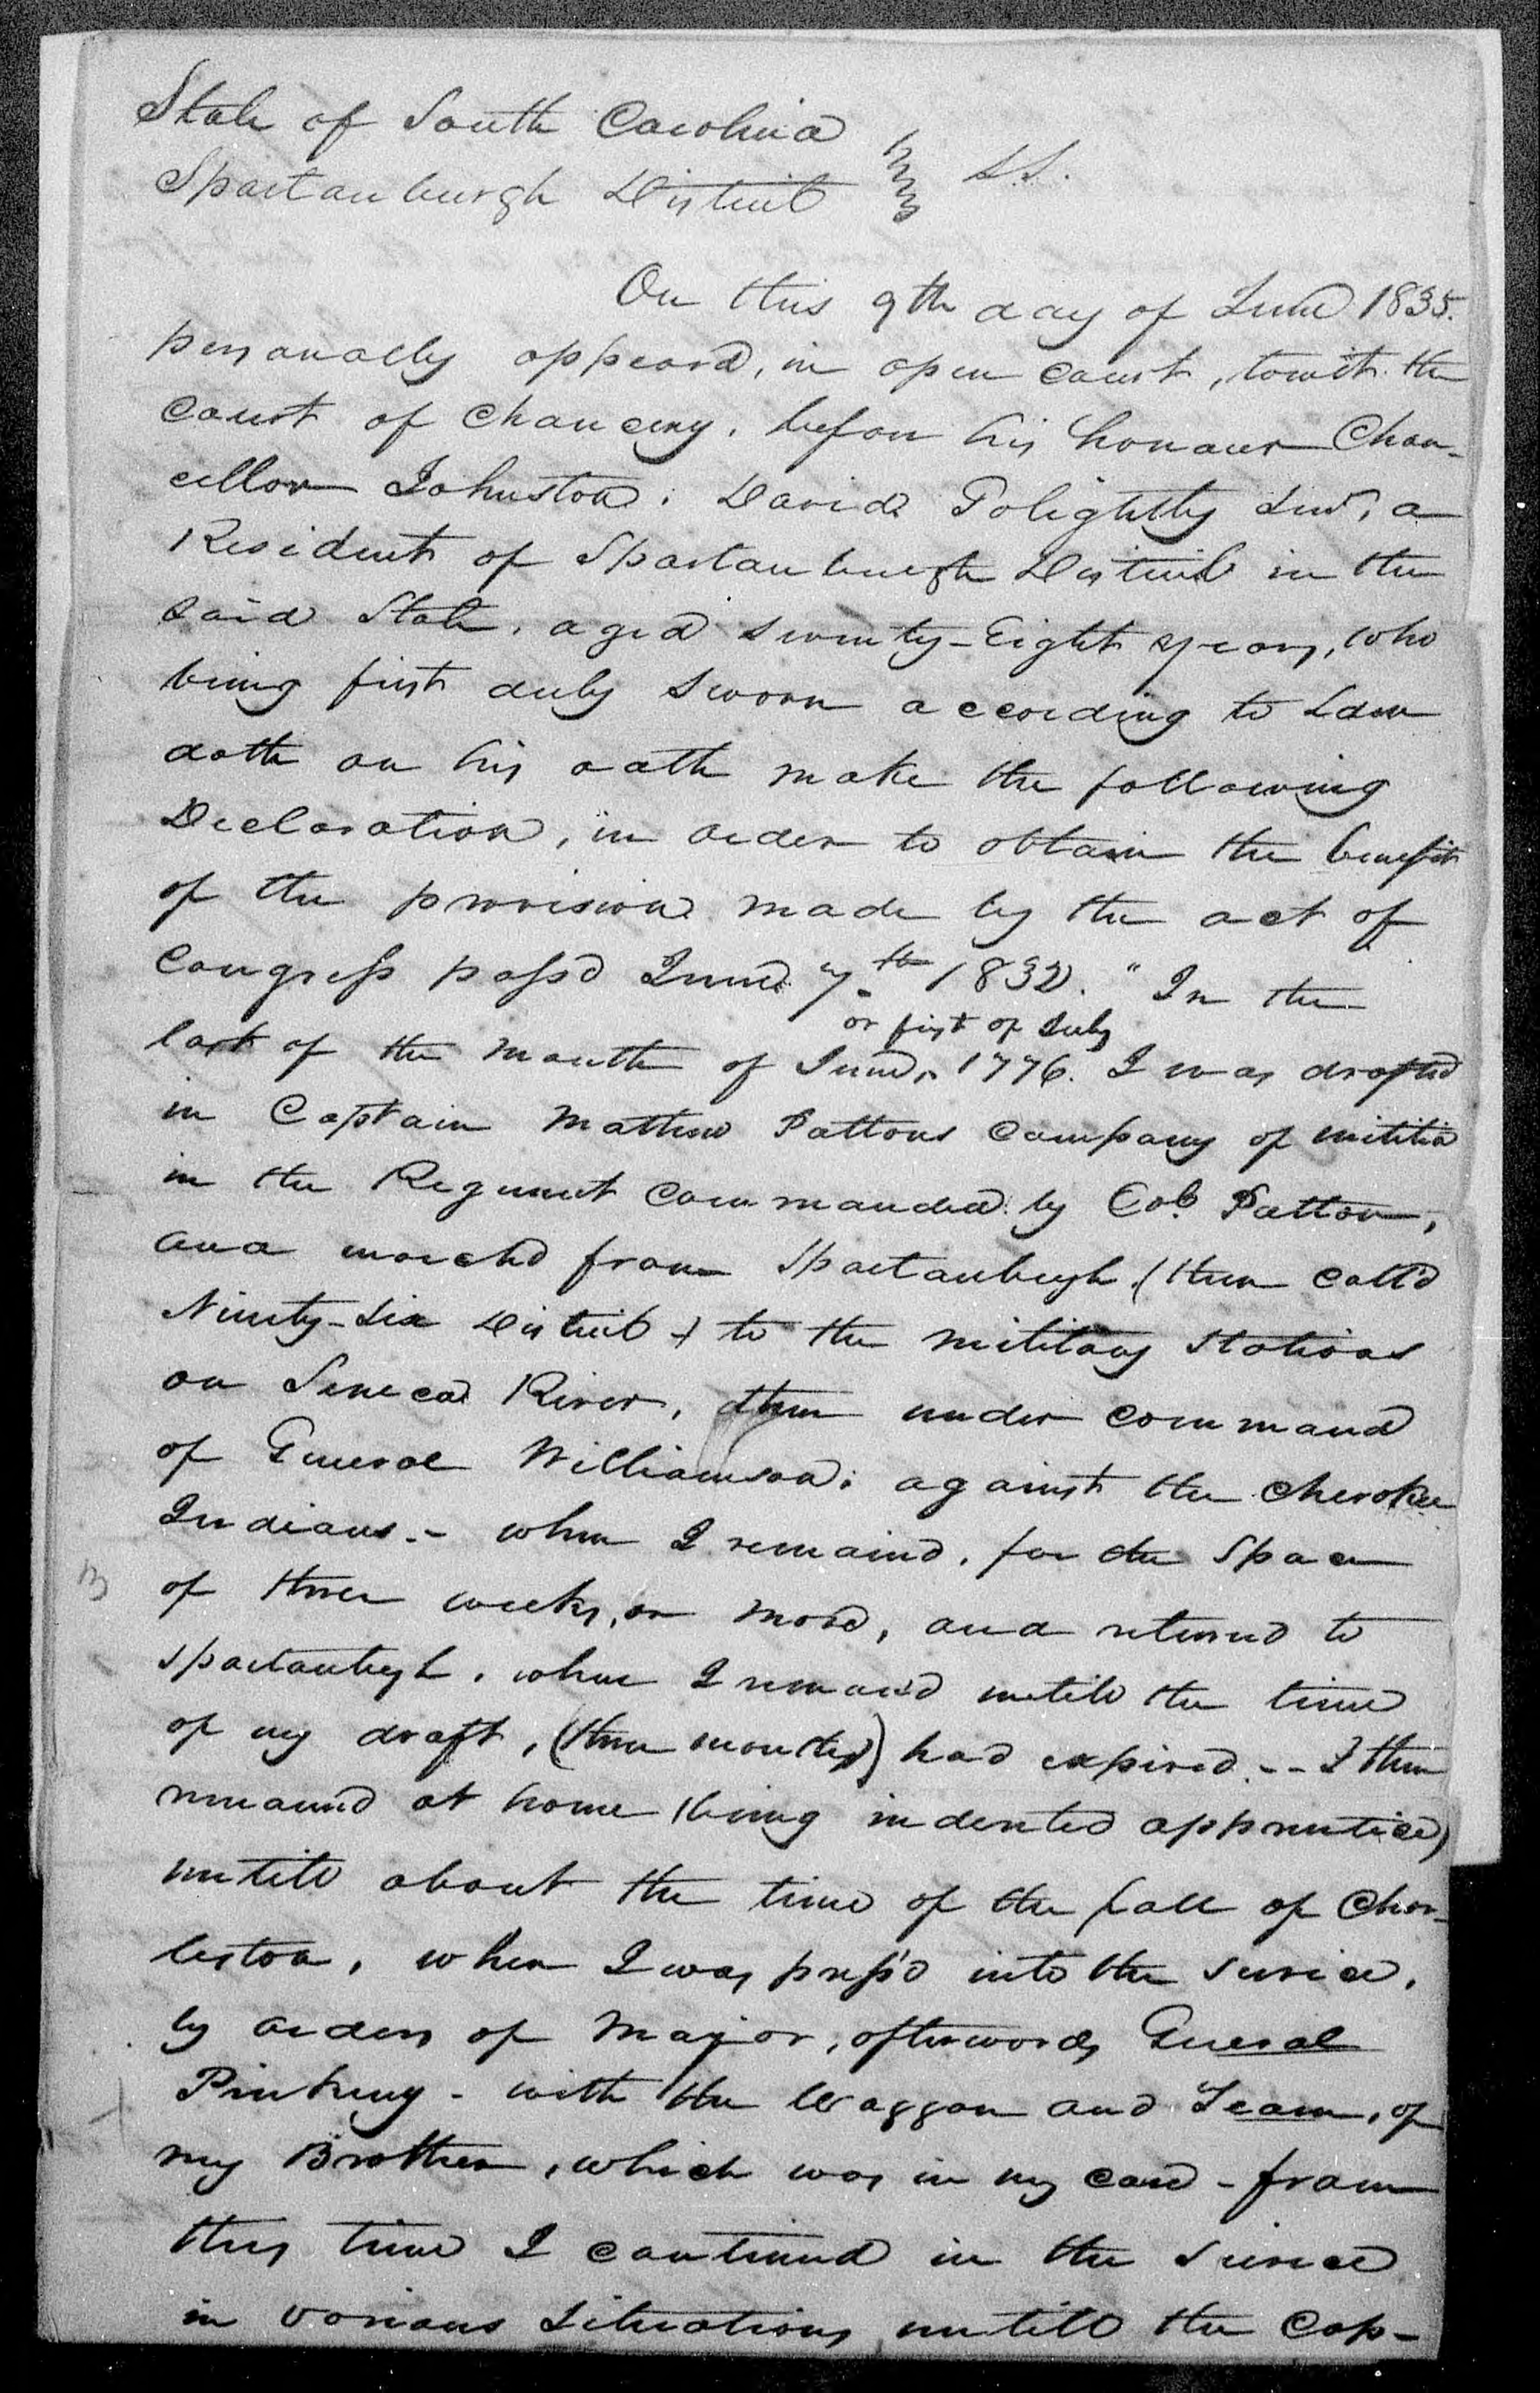State of South Carolina Spartanburgh District  

s.s. 

On this 9th day of June 1835. Personally appeared, in open court, towit the court of chancery, before his honour Chancellor Johnston; David Golightly decd, a Resident of Spartanburgh District in the said State, aged seventy-Eight years, who being first duly sworn according to Law doth on his oath make the following Declaration, in order to obtain the benefit of the provision made by the act of Congress passed June 7th 1832. “In the last of the month of June or first of July 1776 I was drafted in Captain Mathew Pattons company of militia in the Regiment commanded by Col. Patton, and marched from Spartanbugh then call’d Ninety-Six District + to the military stations on Seneca River, then under command of General Williamson, against the Cherokee Indians; where I remained, for the space of three weeks, or more, and returned to Spartanbugh, where I remained untill the time of my draft, ( three months) had expired. I then remained at home being indented apprentice) untill about  the time of the fall of Charleston, when I was pass’d into the service, by order of Major, afterwards General Pinkney – with the Waggon and Team, of my Brother, which was in my care – from this time I continued in the service in bonious situation untill the Cap-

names: Patton, David Golightly, Johnston, Williamson, Pinkney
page: 3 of 57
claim: survivor's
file: S. 18888, David Golightly, S.C.